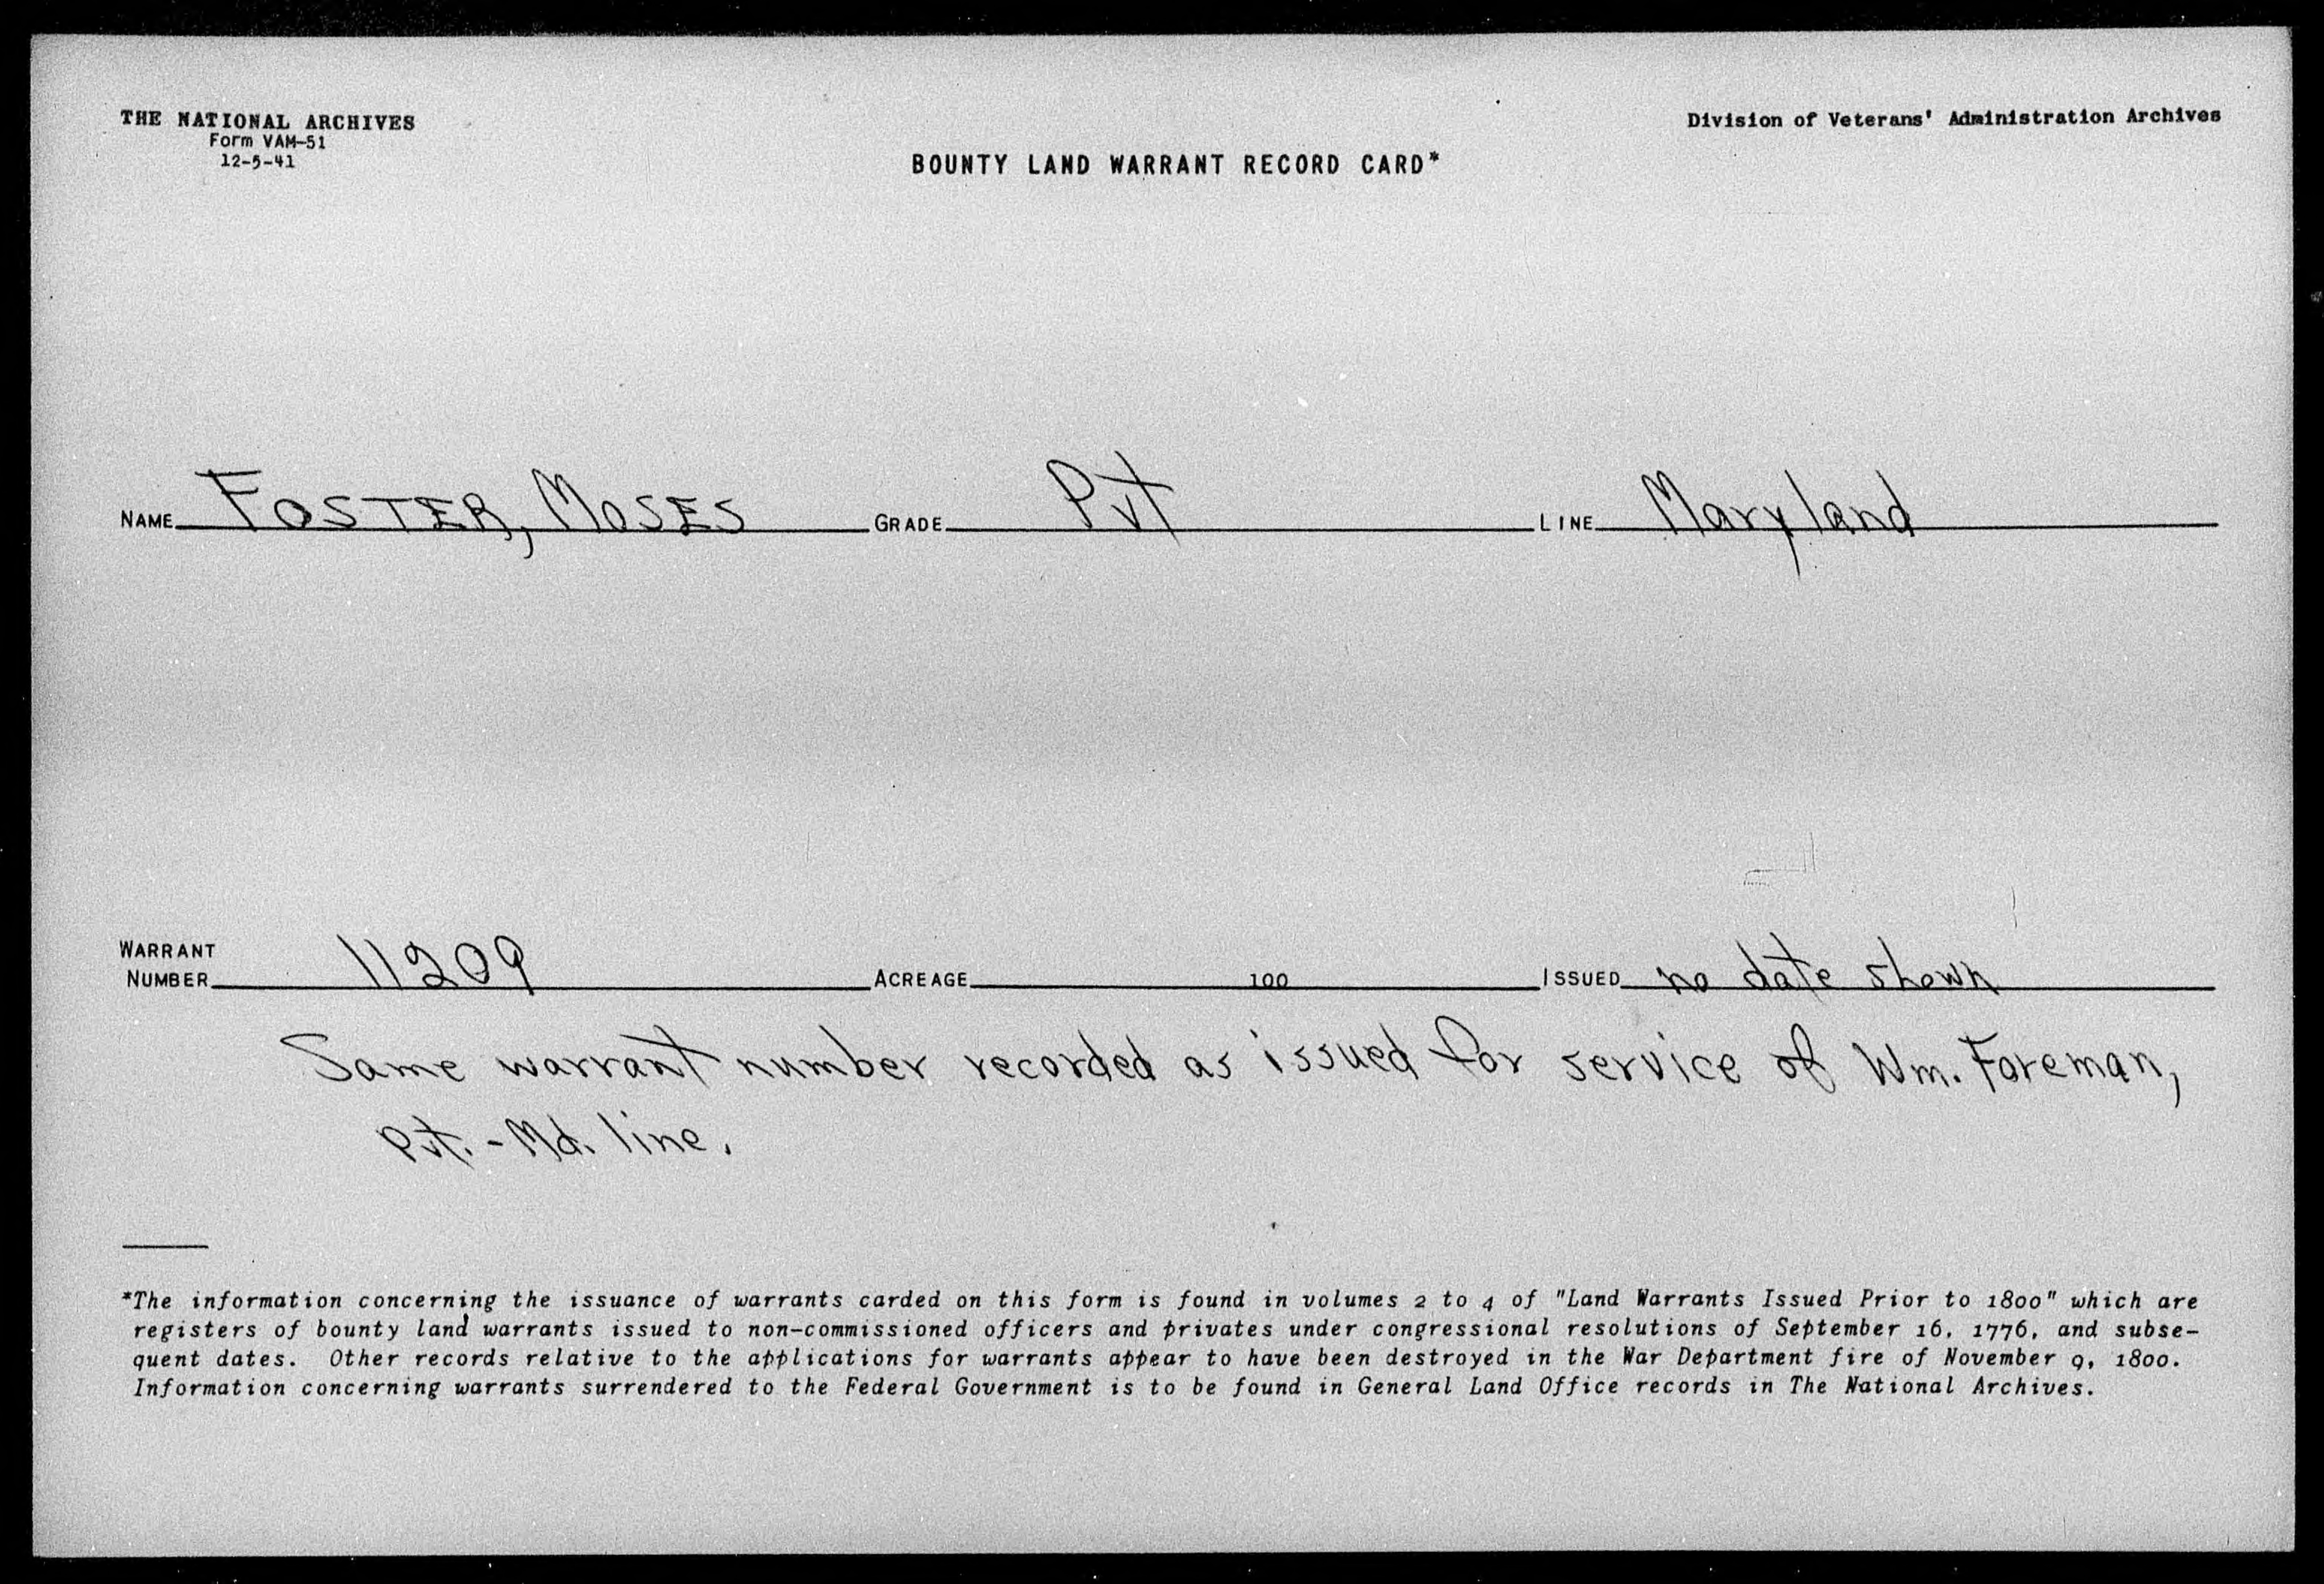BOUNTY LAND WARRANT RECORD CARD*

NAME Foster, Moses GRADE Pvt LINE Maryland
WARRANT NUMBER 11209 ACREAGE 100 ISSUED no date shown
Same warrant number recorded as issued for service of Wm. Foreman, Pvt. - Md. line.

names: Moses Foster, Wm Foreman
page: 57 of 57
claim: widow's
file: W. 5275 1/2, Michael Foster, Penn.